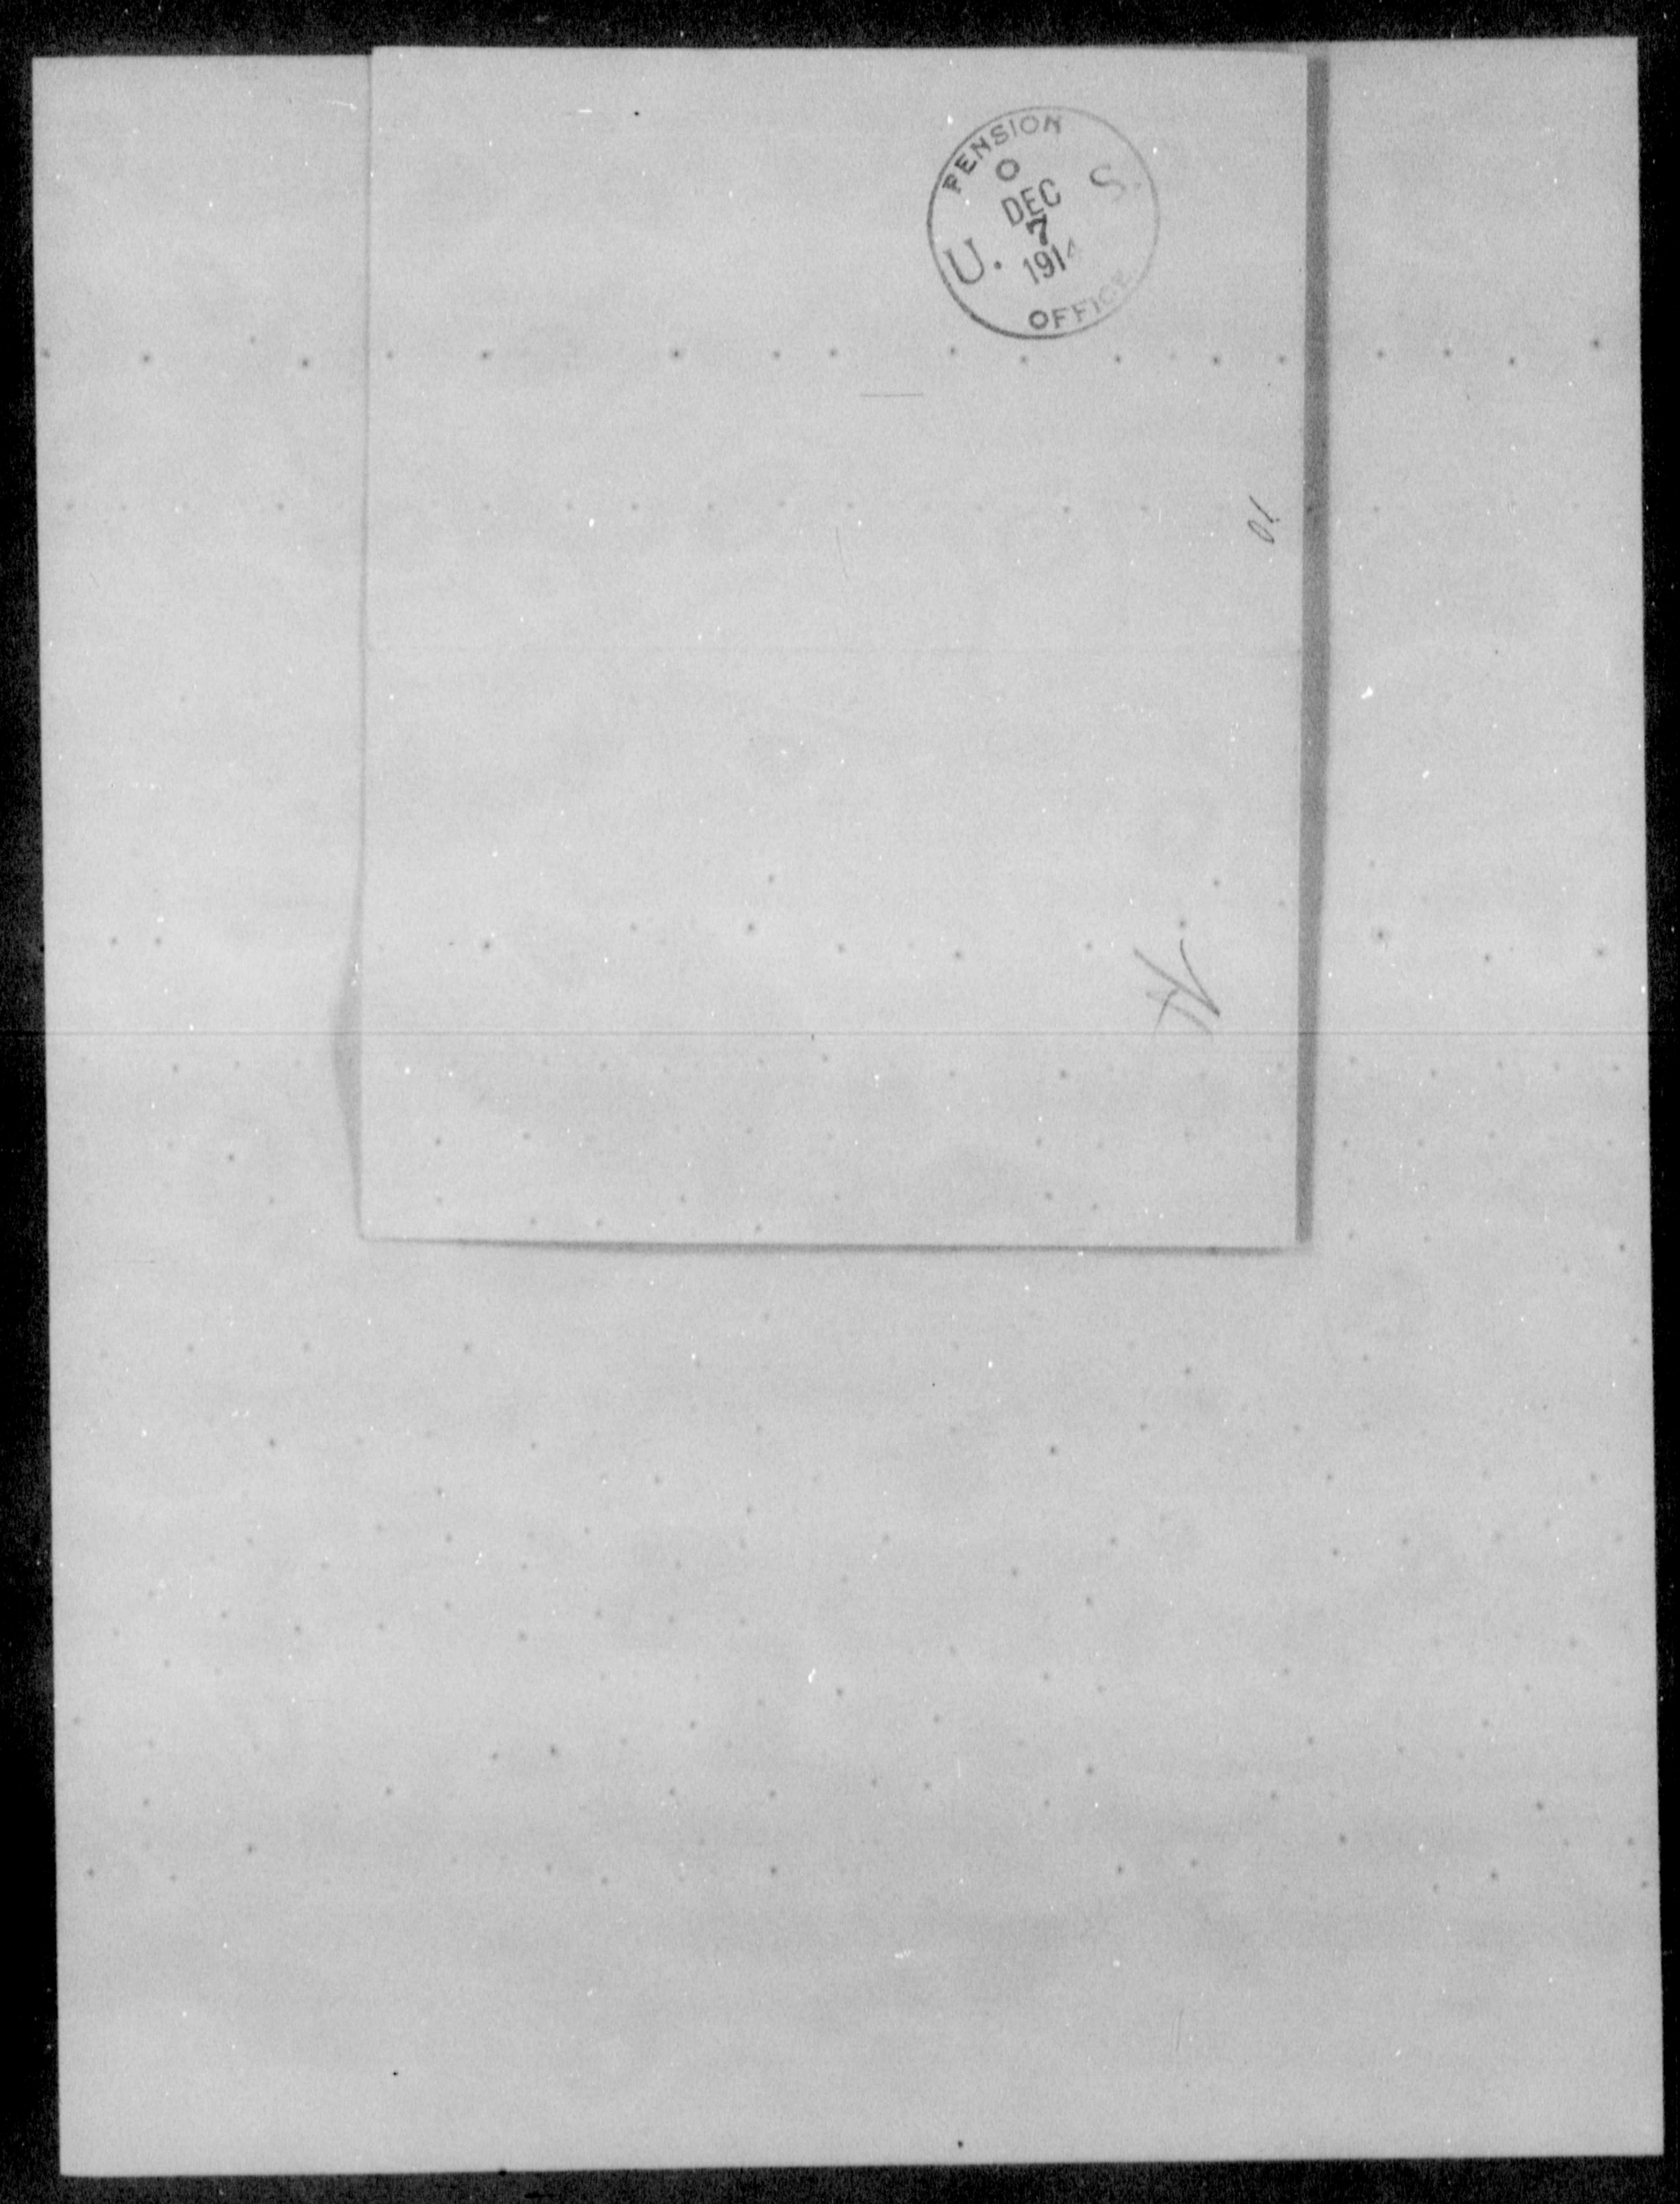[stamp] U.S. PENSION OFFICE DEC 7 1914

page: 99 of 109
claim: widow's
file: W. 5709, for Thomas Richards, New Hampshire